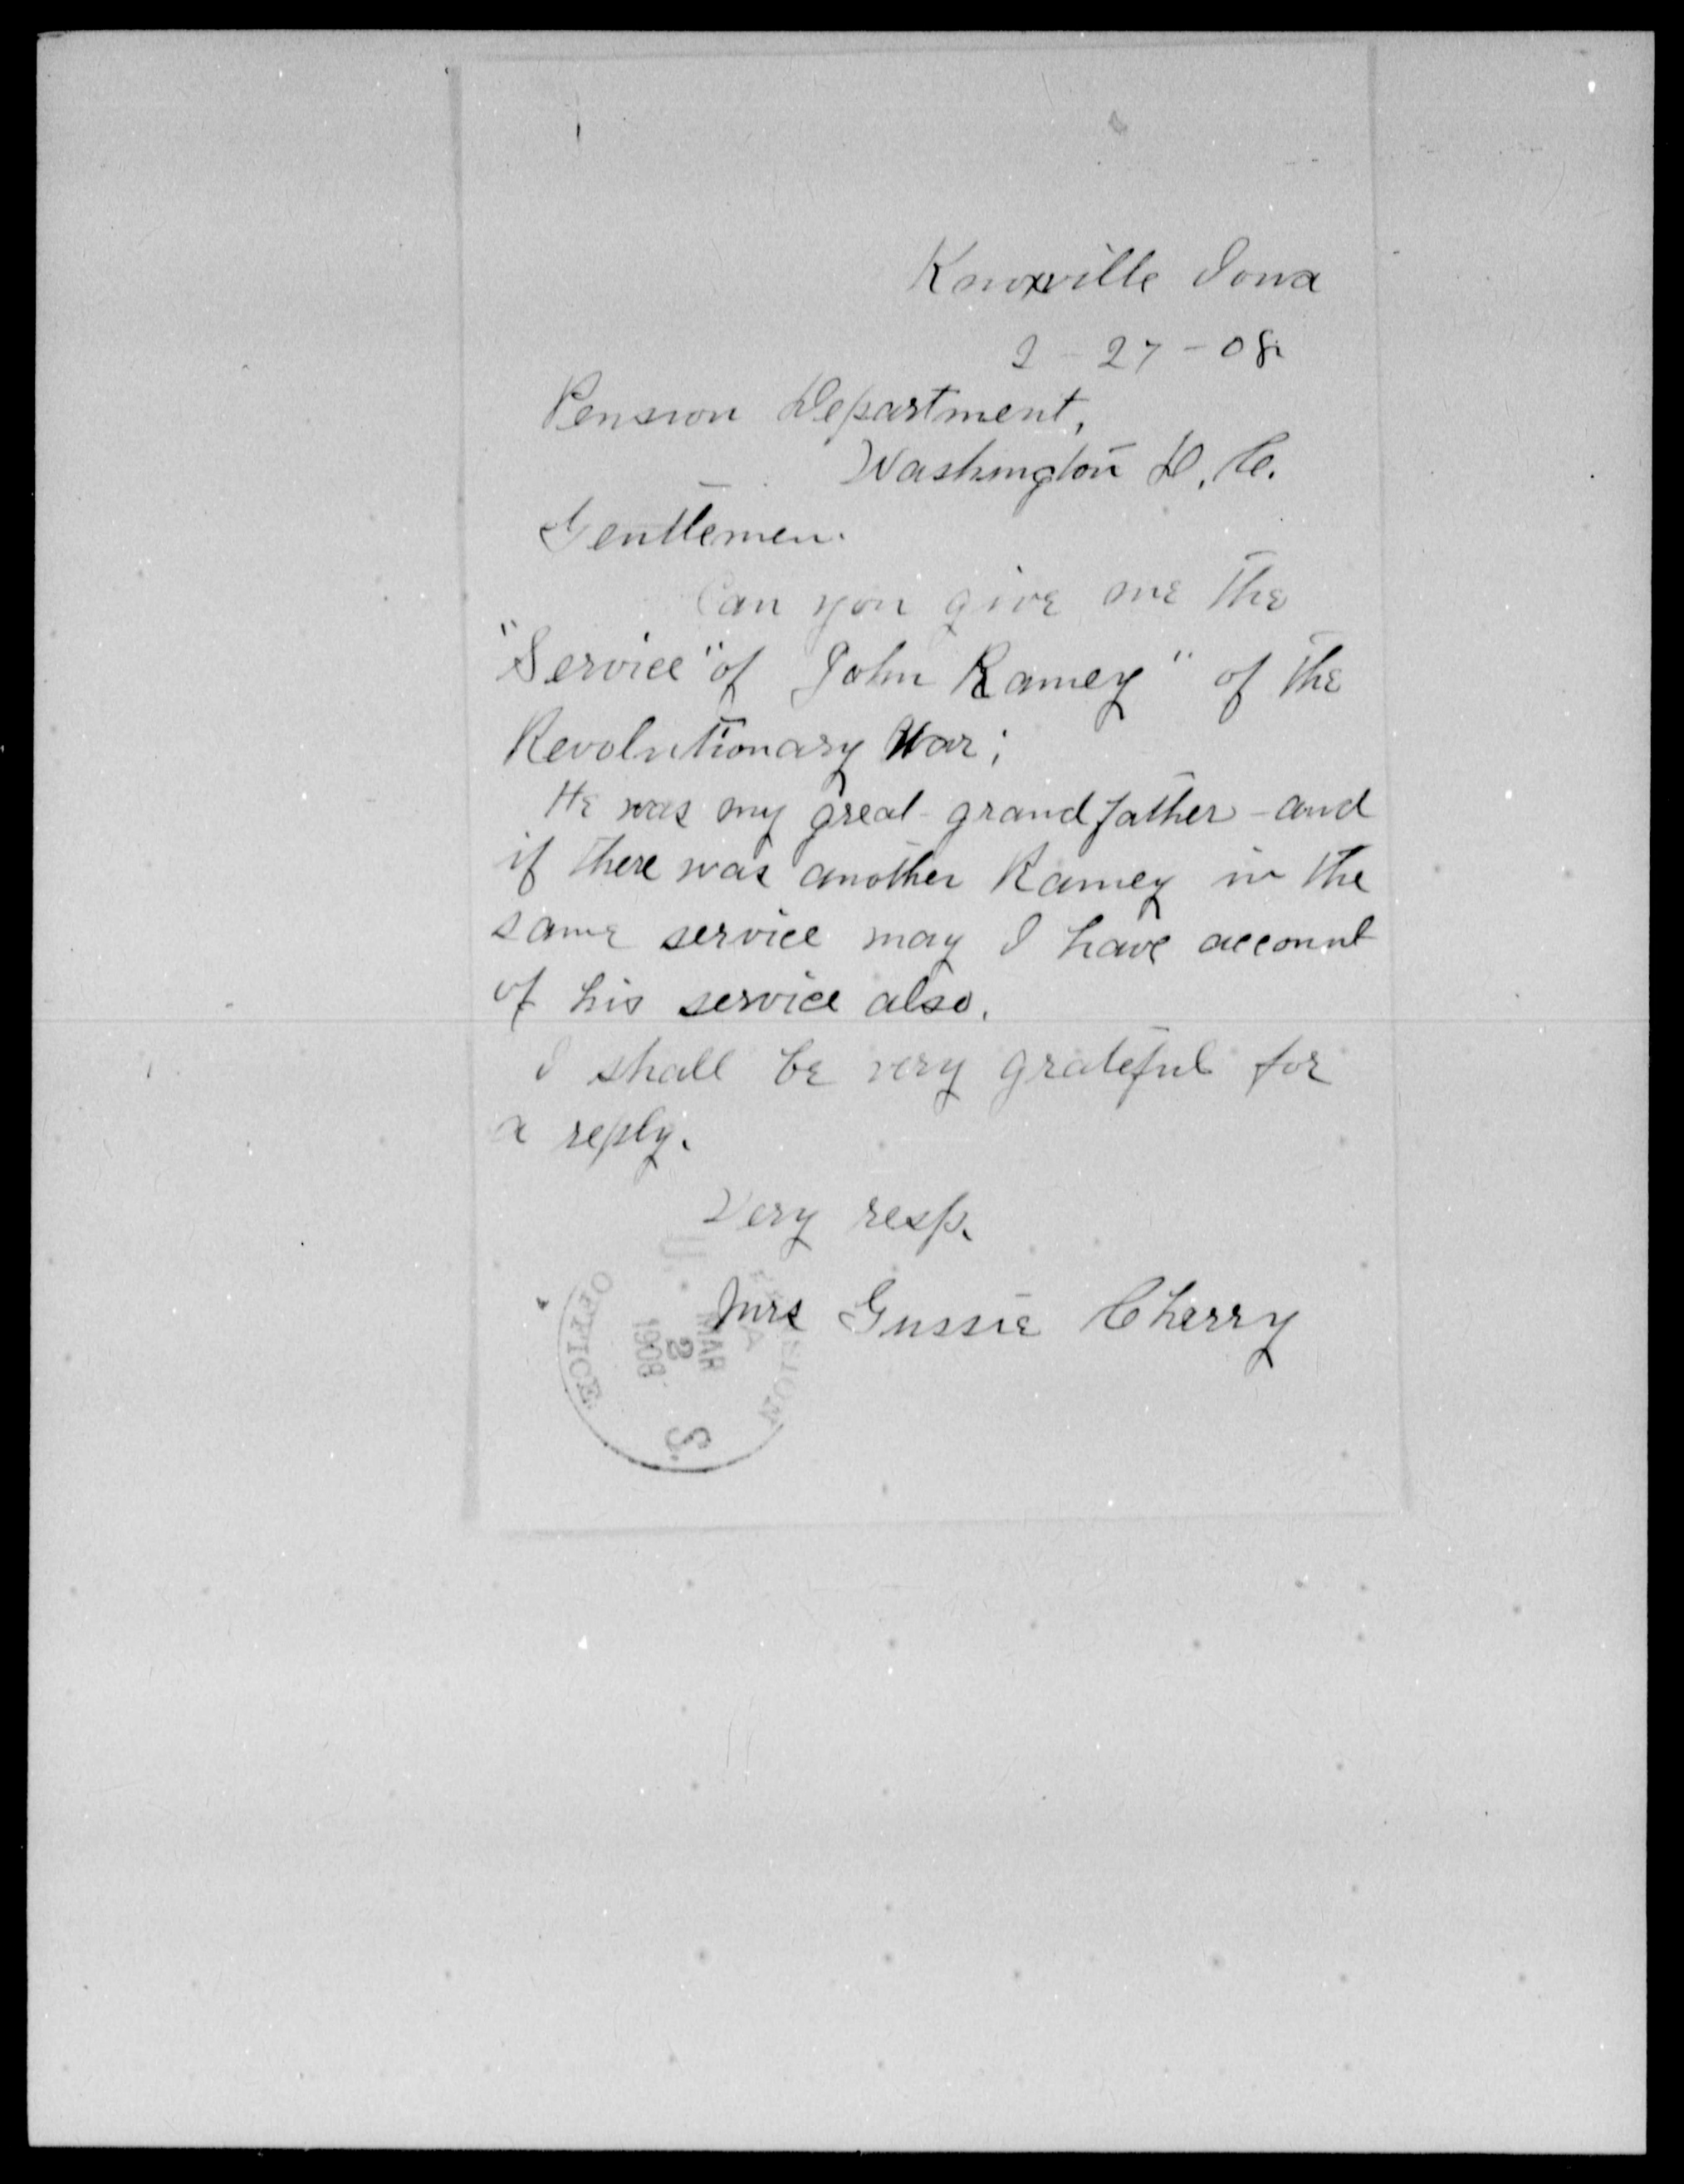Kentville Iowa
2 - 27 - 08
Pension Department,
Washington D. C.
Gentlemen
Can you give me the "Service" of John Ramey" of the Revolutionary War;
He was my great-grandfather - and if there was another Ramey in the same service may I have account of his service also.
I shall be very grateful for a reply.
Very resp.
Mrs. Gussie Cherry

U. S. PENSION OFFICE. A
MAR 2 1908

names: Gussie Cherry; John Ramey; [BLANK] Ramey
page: 20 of 84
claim: widow's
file: W.11104, for John Remay, Virginia